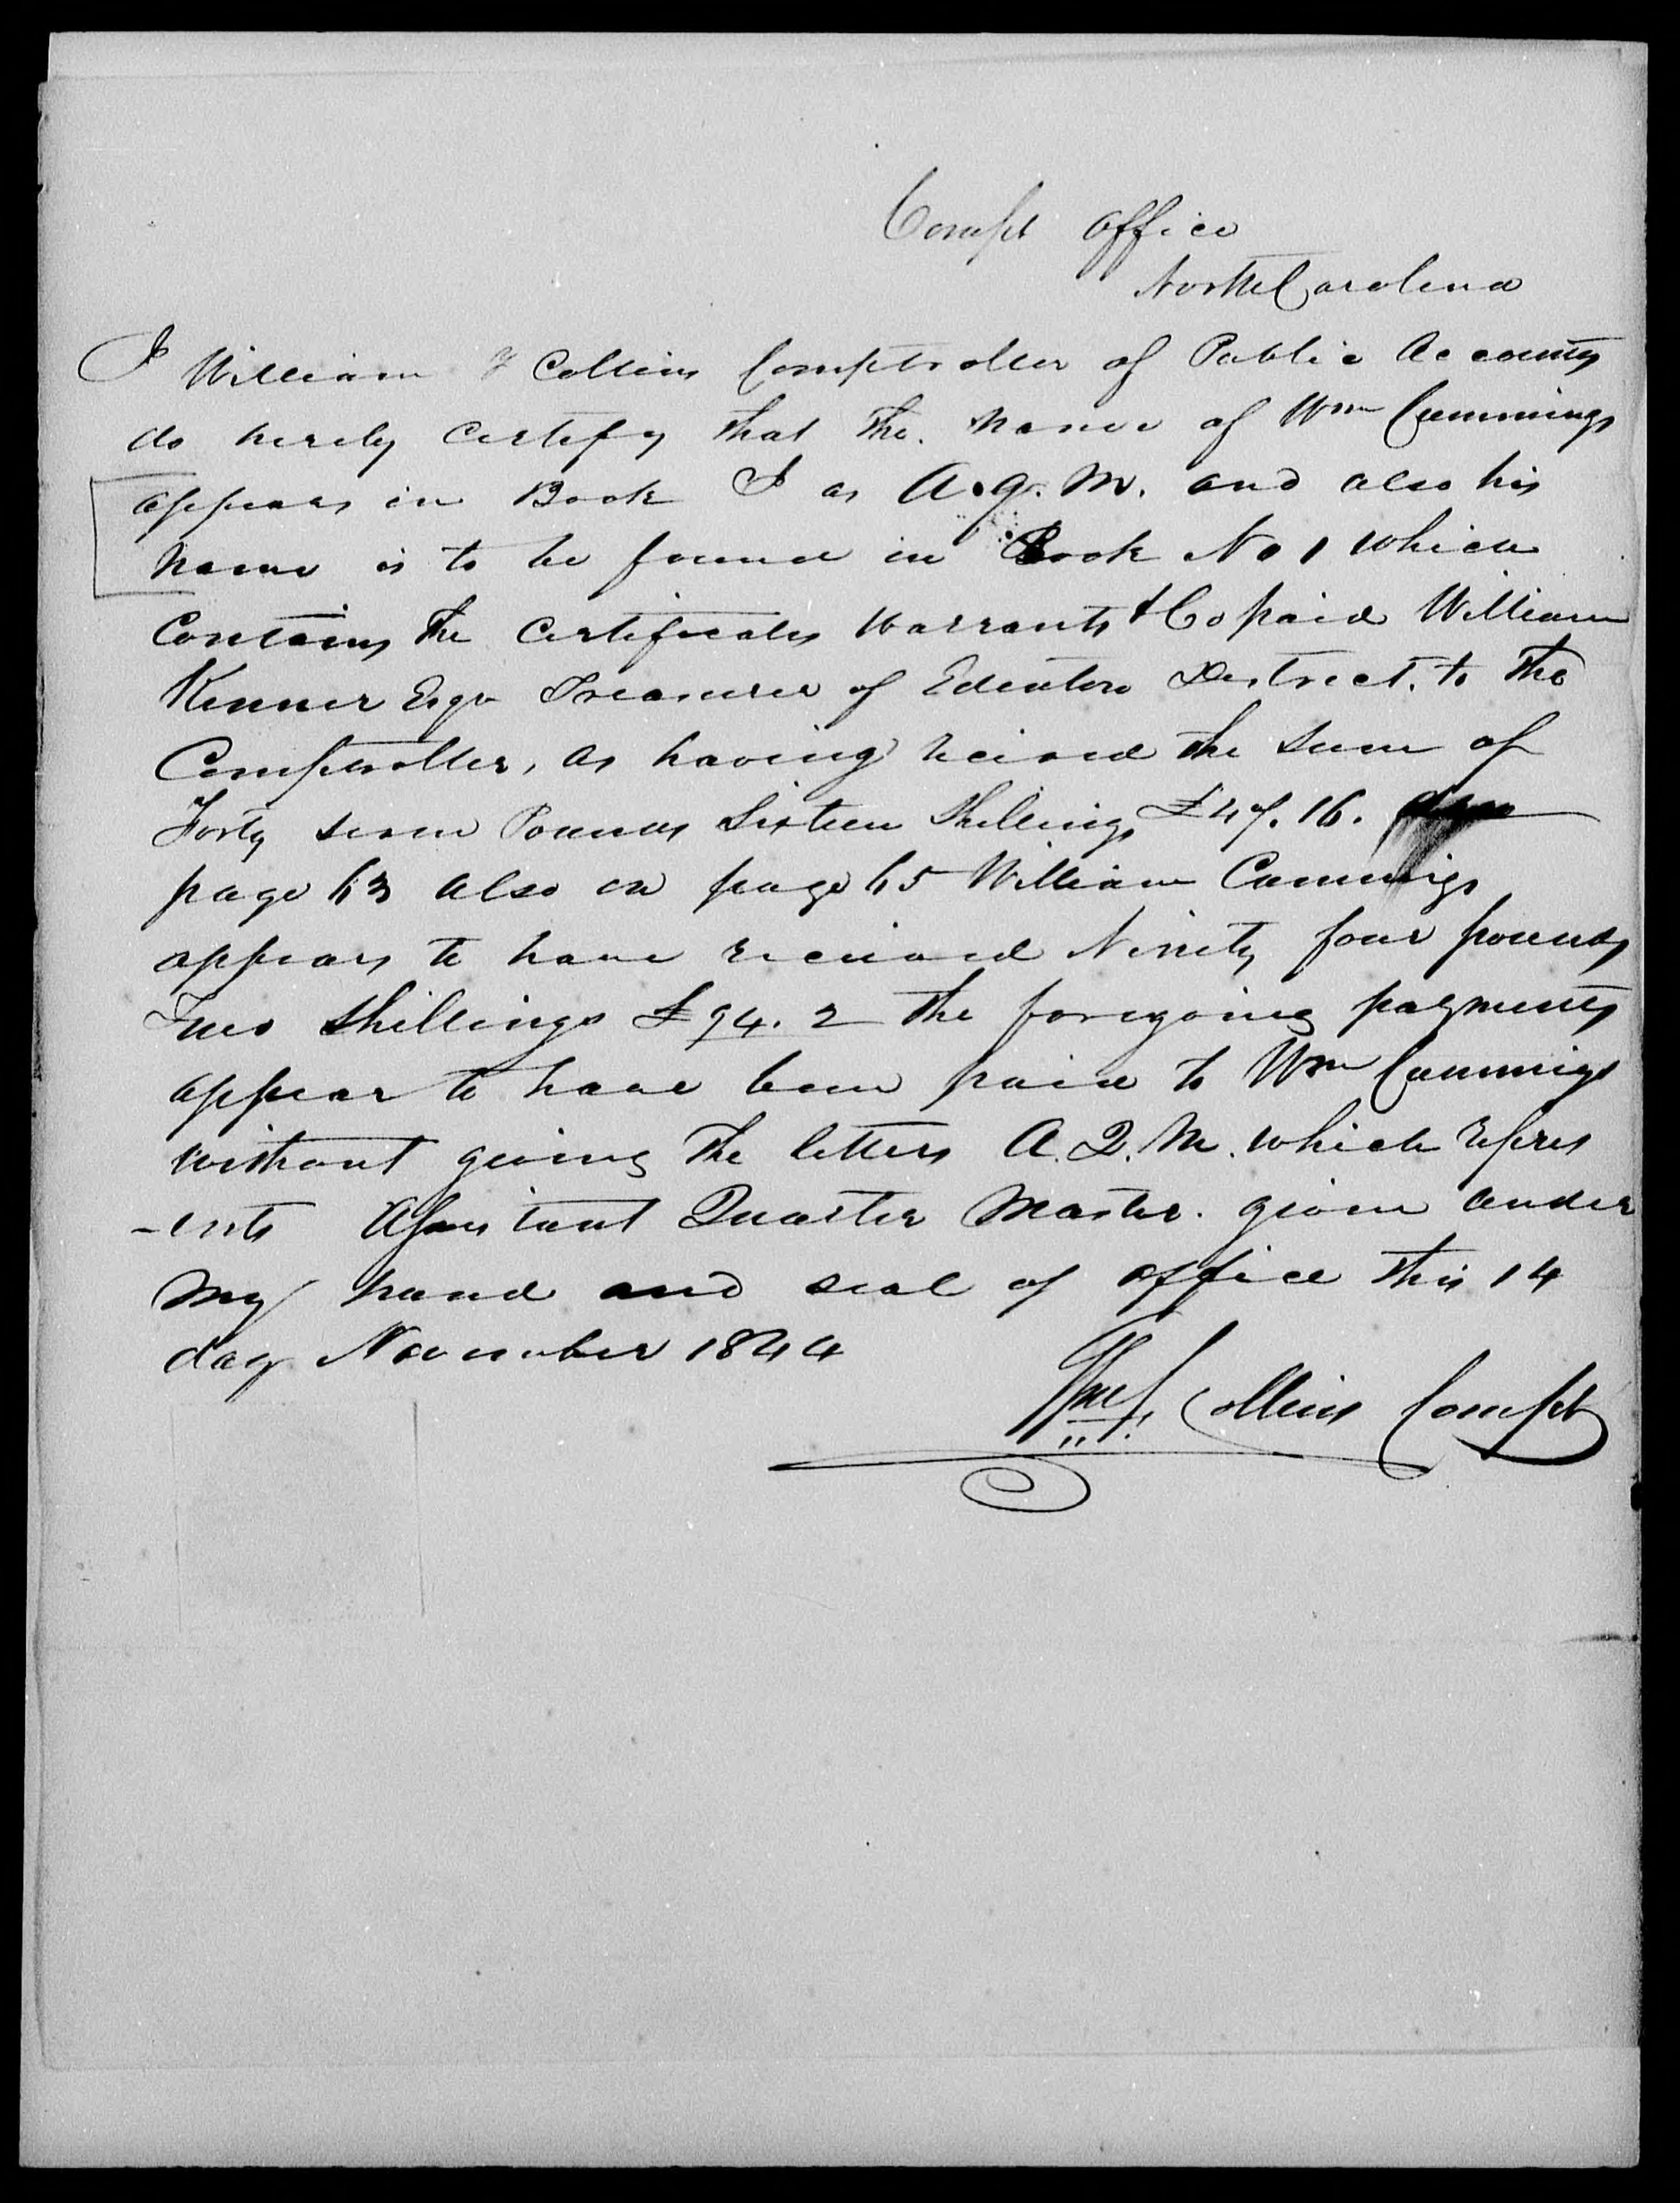[Handwritten record.  Occasional spacing has been included to make the text block easier to read.]

Compt [Comptroller's] office
North Carolina

I William F Collins Comptroller of Public Accounts [or Accounting] do hereby certify that the name of Wm Cummings [here near the left margin, begins a hand-drawn bracket which surrounds the following text:] appears in Book I [or J, but it mostly looks like I] as A.Q.M. [Assistant Quarter Master] and also his name is to be found in Book No 1 which [bracket ends here] Contains the certificates warrants and Co paid William Kenner Esqr Treasurer of Edenton District. to the Comptroller, as having received the Sum of Forty seven Pounds Sixteen Shillings, [monetary pound sign] 47.16 [illegible word blotted by ink, possibly was "also"] page 63 

also on page 65 William Cummings appears to have received Ninety four pounds Two Shillings [monetary pound sign] 94.2 The foregoing payments appear to have been paid to Wm Cummings without giving the letters A.Q.M. which represents Assistant Quarter Master.  given under My hand and seal of office this 14 day November 1844

[Signature with flourish]
[Wm. F. Collins Compt [Comptroller]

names: Wm F Collins, William Cummings, Wm Cummings, William Kenner, William F Collins, Wm Cummings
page: 96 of 145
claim: survivor's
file: S. 8265, William Cumming, N.C.